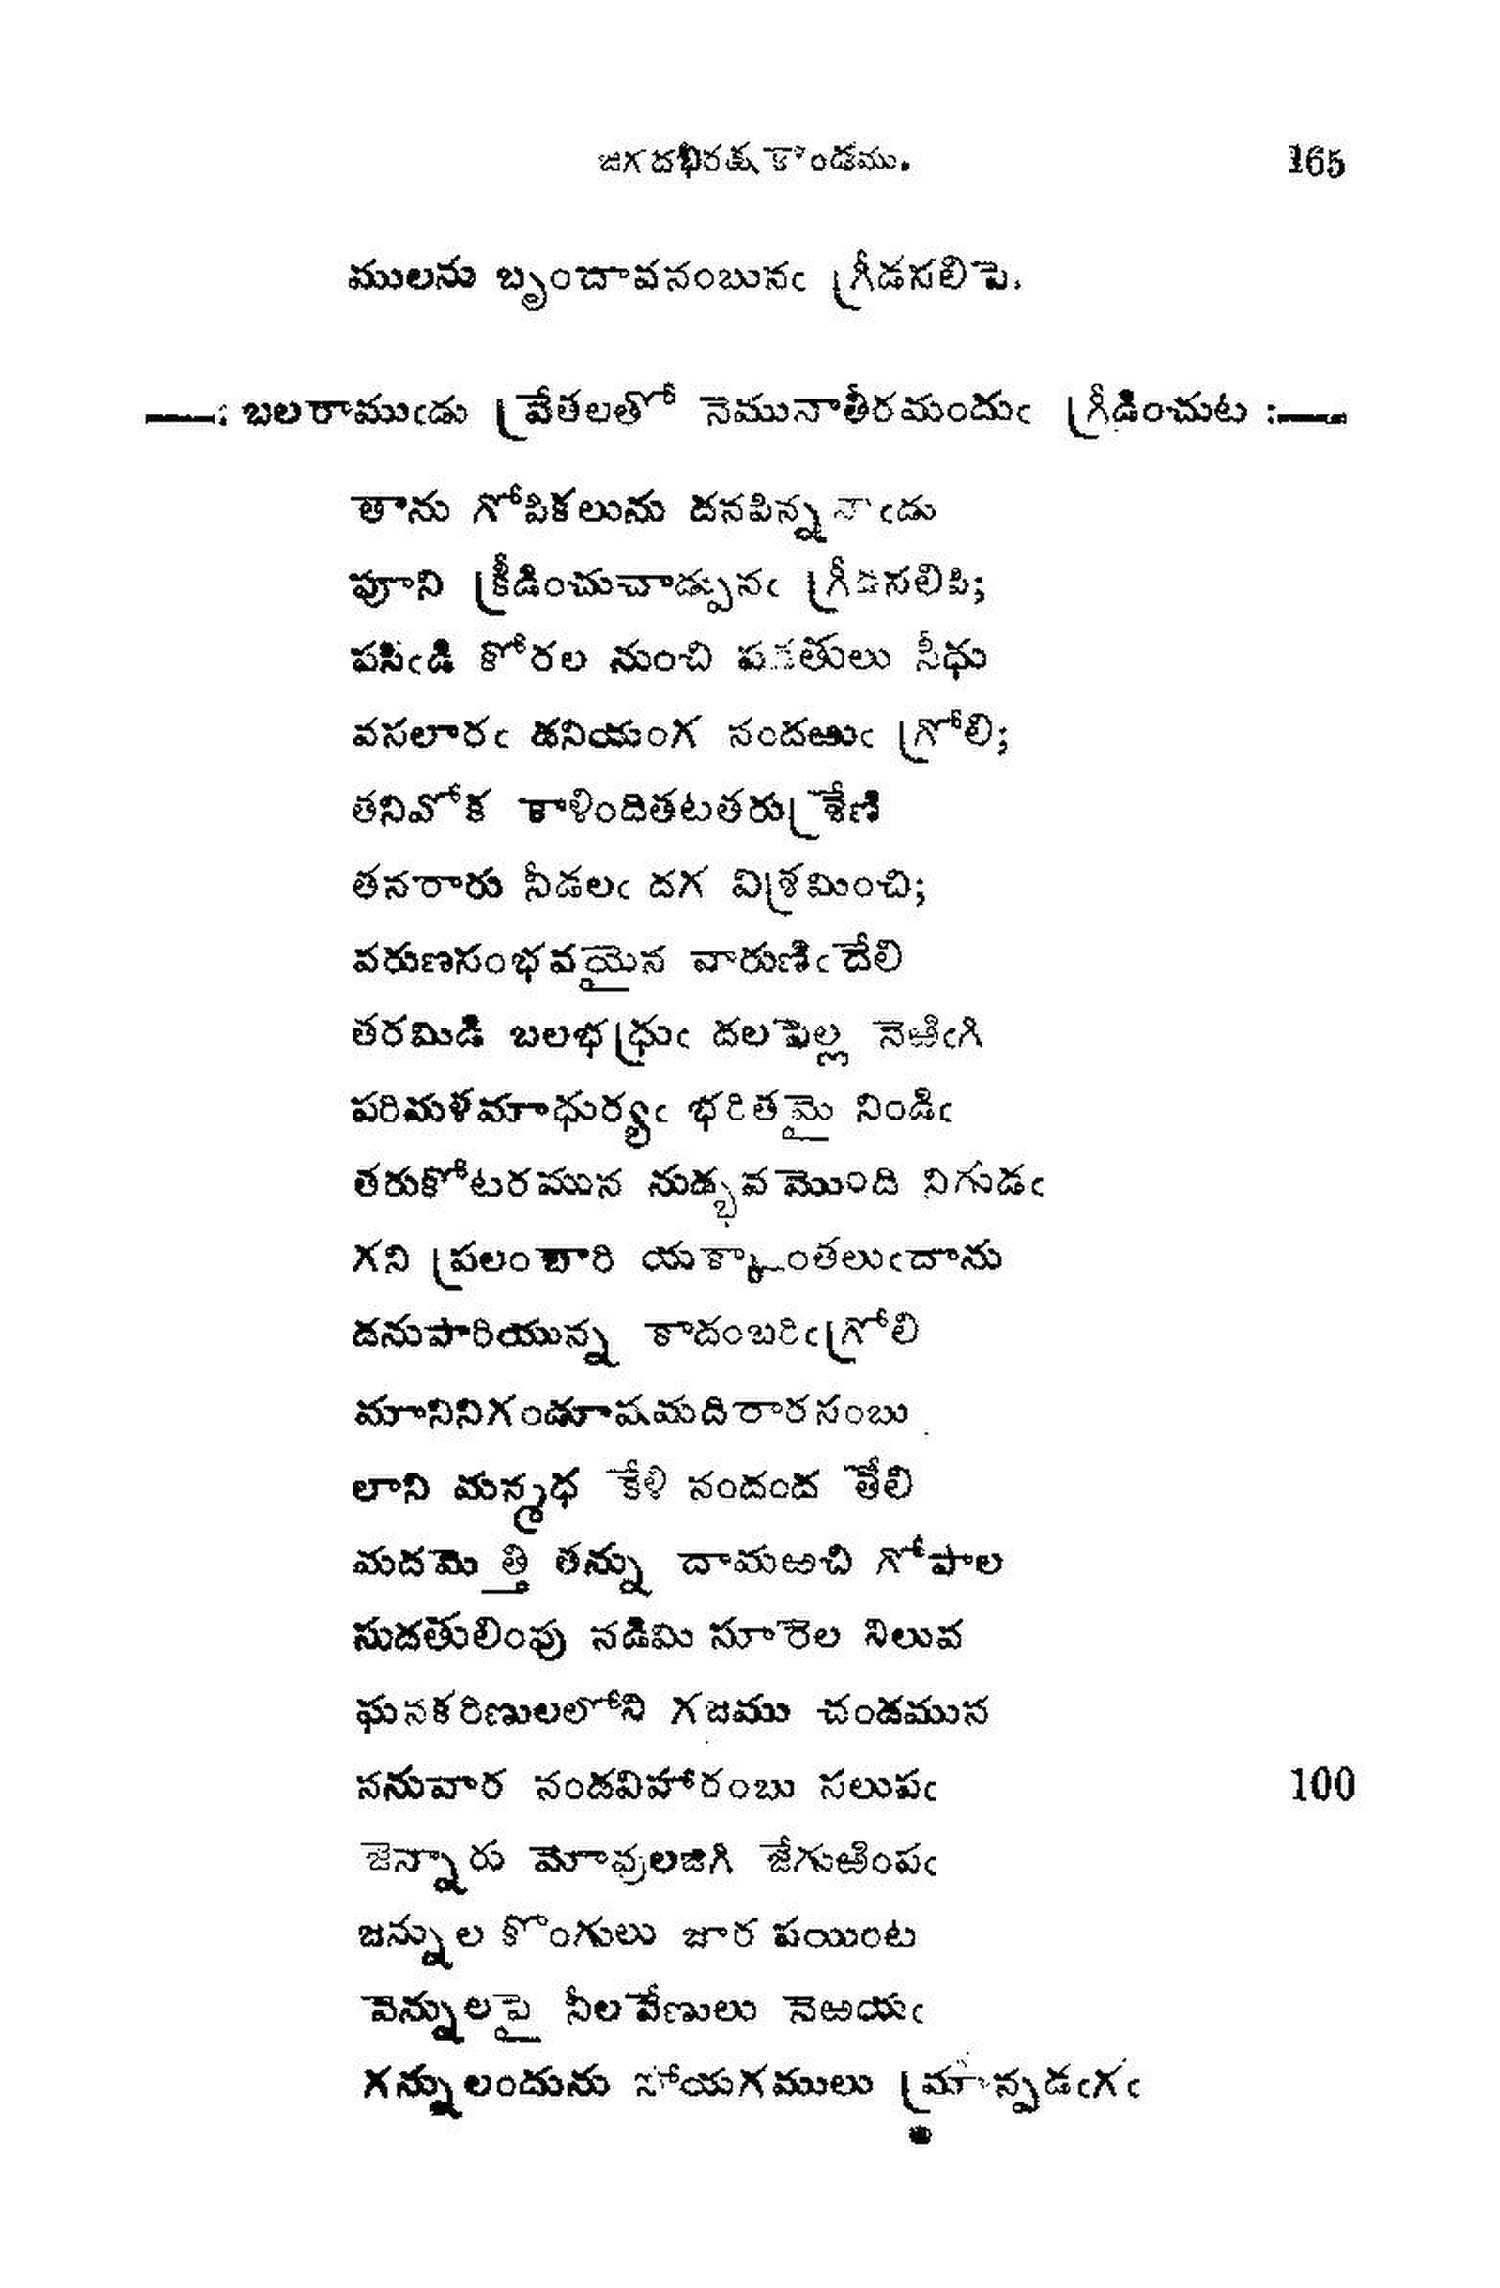ములను బృందావనంబున గ్రీడ సలిపె

తాను గోపికలును దనపిన్ననాఁడు
పూని క్రీడించుచాడ్పునఁ గ్రీడసలిపి; 
పసిఁడి కోరల నుంచి పడతులు సీధు
వసలారఁ దనియంగ నందఱుఁ గ్రోలి; 
తనివోక కాళిందితటతరుశ్రేణి
తనరారు నీడలఁ దగ విశ్రమించి; 
వరుణసంభవయైన వారుణిఁ దేలి
తరమిడి బలభద్రుఁ దలపెల్ల నెఱిఁగి
పరిమళమాధుర్యఁ భరితమై నిండిఁ
తరుకోటరమున నుద్భవమొంది నిగుడఁ
గని ప్రలంబారి య క్కాంతలుఁదాను
దనుపారియున్న కాదంబరిఁగ్రోలి
మానినిగండూష మదిరారసంబు
లాని మన్మథకేళి లందంద తేలి
మదమెత్తి తన్ను దామఱచి గోపాల
సుదతులింపు నడిమి సూరెల నిలువ 
ఘనకరిణులలోని గజము చందమున
సనువార నందవిహారంబు సలుపఁ
జెన్నారు మోవుల జిగి జేగుఱింపఁ
జన్నుల కొంగులు జార పయింట
వెన్నులపై నీలవేణులు నెఱయఁ
గన్నులందును సోయగములు మ్రాన్పడఁగఁ